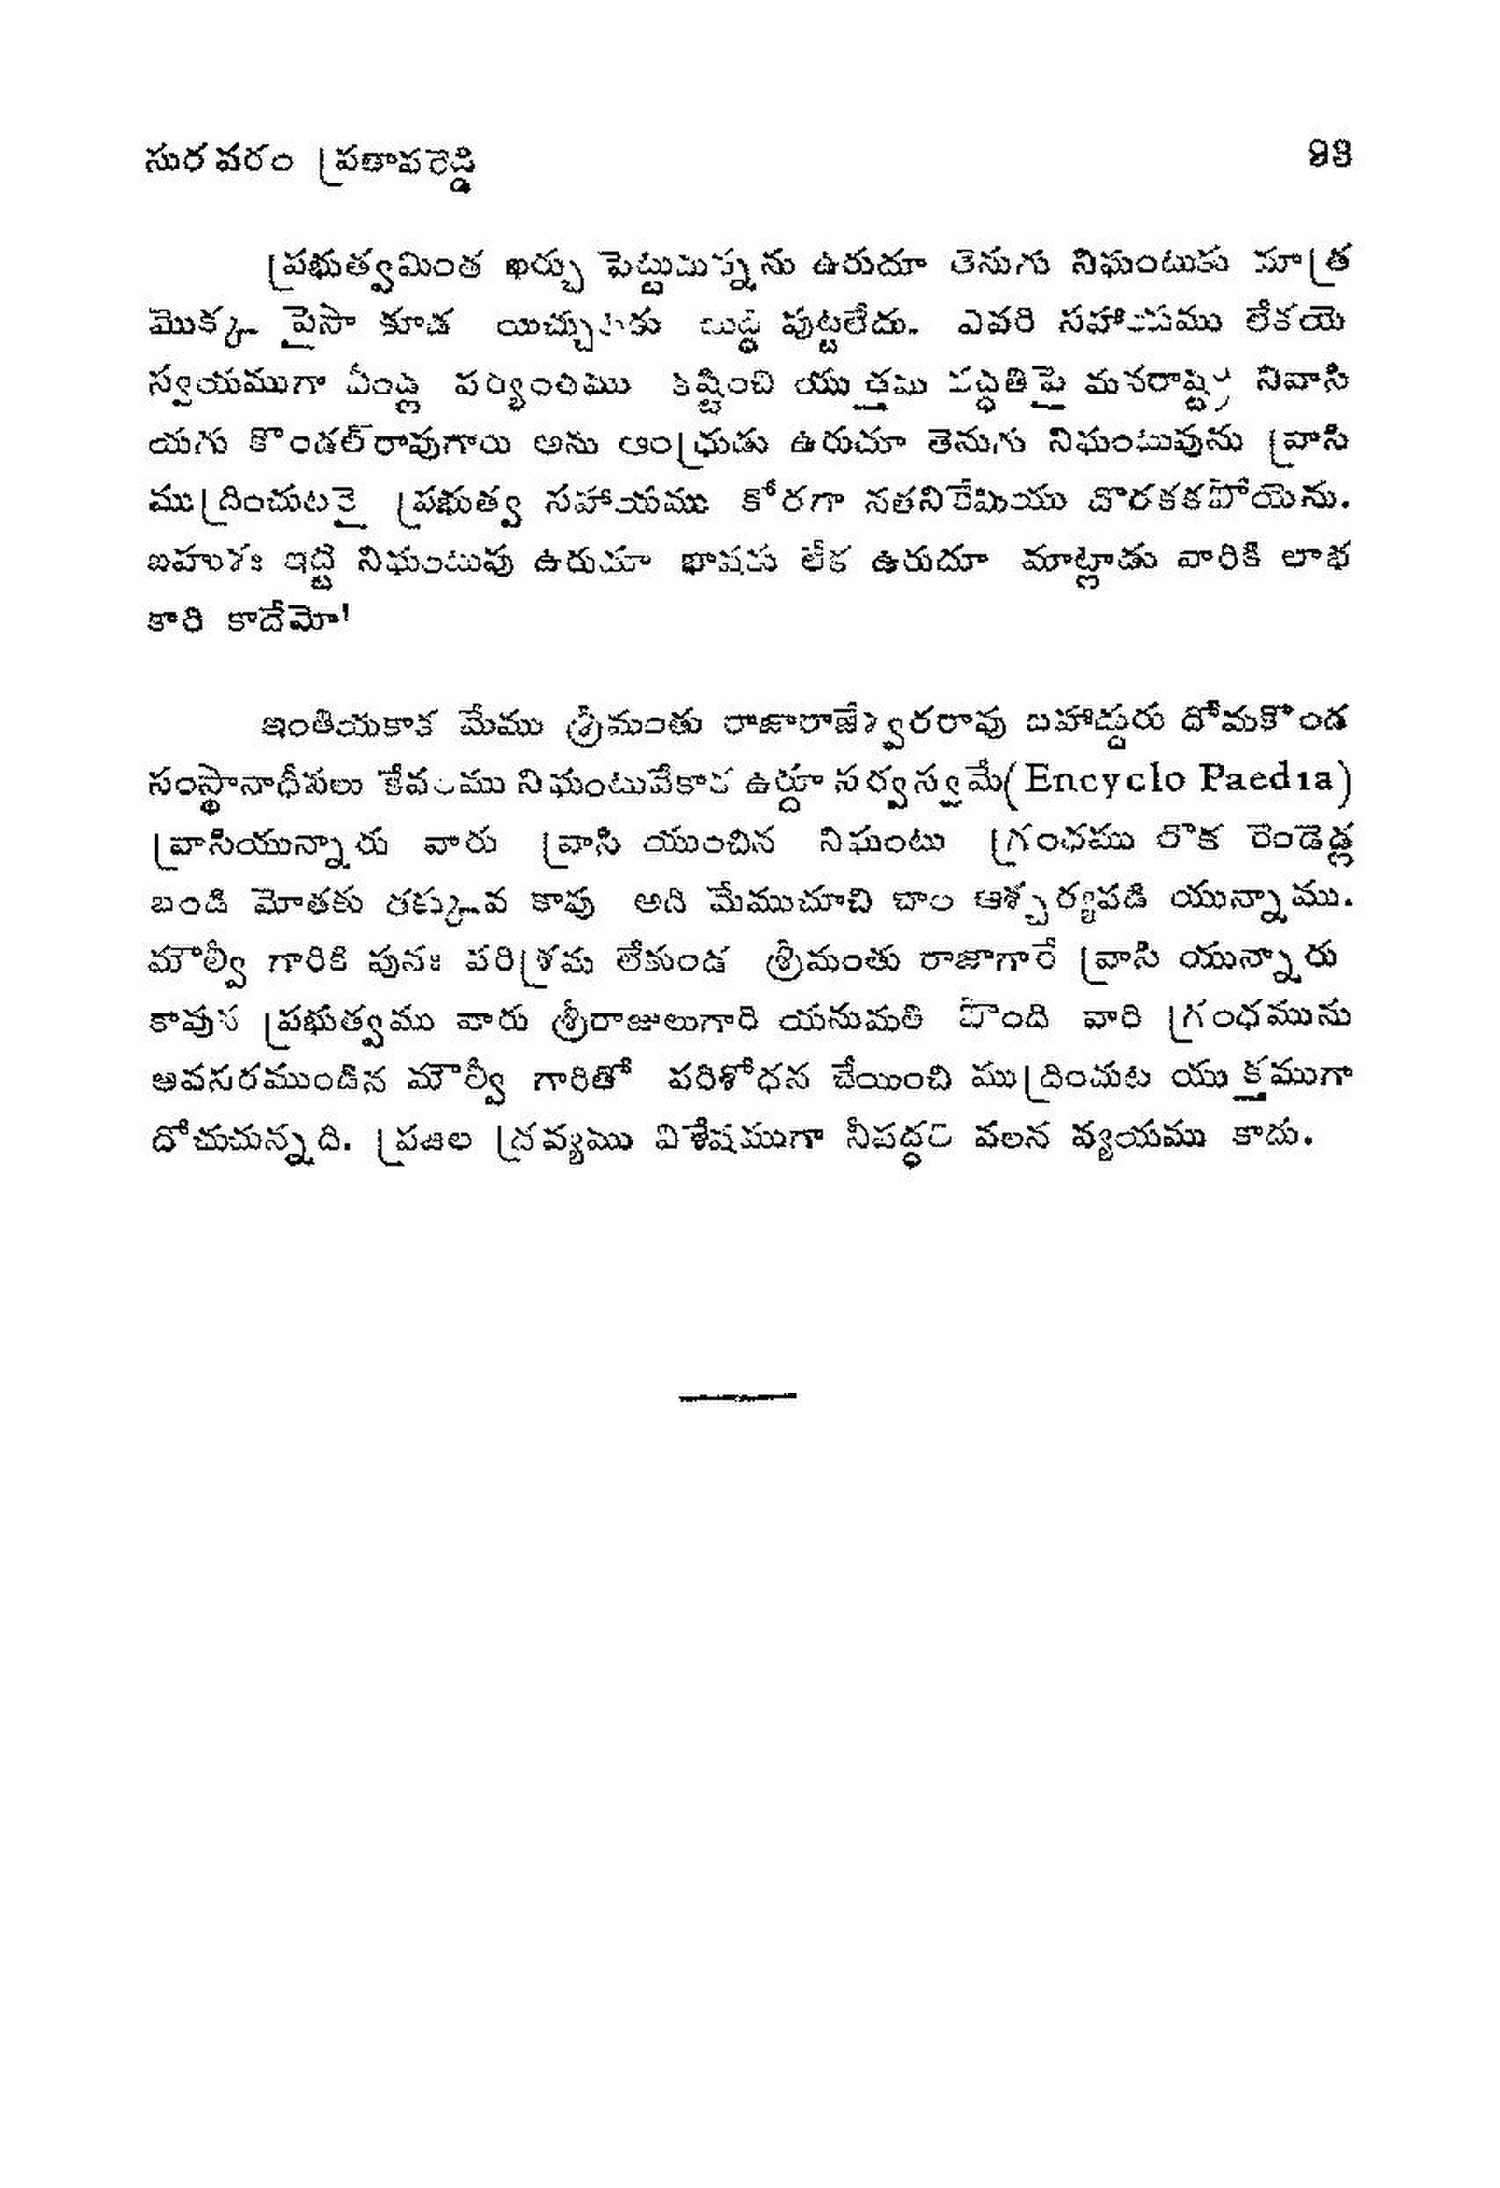ప్రభుత్వమింత ఖర్చు పెట్టుచున్నను ఉరుదూ తెనుగు నిఘంటుకు మాత్ర మొక్క పైసా కూడ యిచ్చుటకు బుద్ధి పుట్టలేదు. ఎవరి సహాయము లేకయె స్వయముగా ఏండ్ల పర్యంతము కష్టించి యుత్తమ పద్ధతిపై మనరాష్ట్ర నివాసి
యగు కొండల్‌రావుగారు అను ఆంధ్రుడు ఉరుదూ తెనుగు నిఘంటువును వ్రాసి ముద్రించుటకై ప్రభుత్వ సహాయము కోరగా నతనికేమియు దొరకకపోయెను. బహుశః ఇది నిఘంటువు ఉరుదూ భాషకు లేక ఉరుదూ మాట్లాడు వారికి లాభకారి కాదేమో!

ఇంతియకాక మేము శ్రీమంతు రాజారాజేశ్వరరావు బహద్దురు దోమకొండ సంస్థానాధీశులు కేవలము నిఘంటువేకాక ఉర్దూ సర్వస్వమే(Encyclo Paedia) వ్రాసియున్నారు వారు వ్రాసి యుంచిన నిఘంటు గ్రంధము లొక రెండెడ్ల బండి మోతకు తక్కువ కావు అది మేముచూచి చాల ఆశ్చర్యపడి యున్నాము. మౌల్వీ గారికి పునః పరిశ్రమ లేకుండ శ్రీమంతు రాజాగారే వ్రాసి యున్నారు కావున ప్రభుత్వము వారు శ్రీరాజులుగారి యనుమతి పొంది వారి గ్రంధమును
అవసరముండిన మౌల్వీ గారితో పరిశోధన చేయించి ముద్రించుట యుక్తముగా దోచుచున్నది. ప్రజల ద్రవ్యము విశేషముగా నీపద్ధతి వలన వ్యయము కాదు.